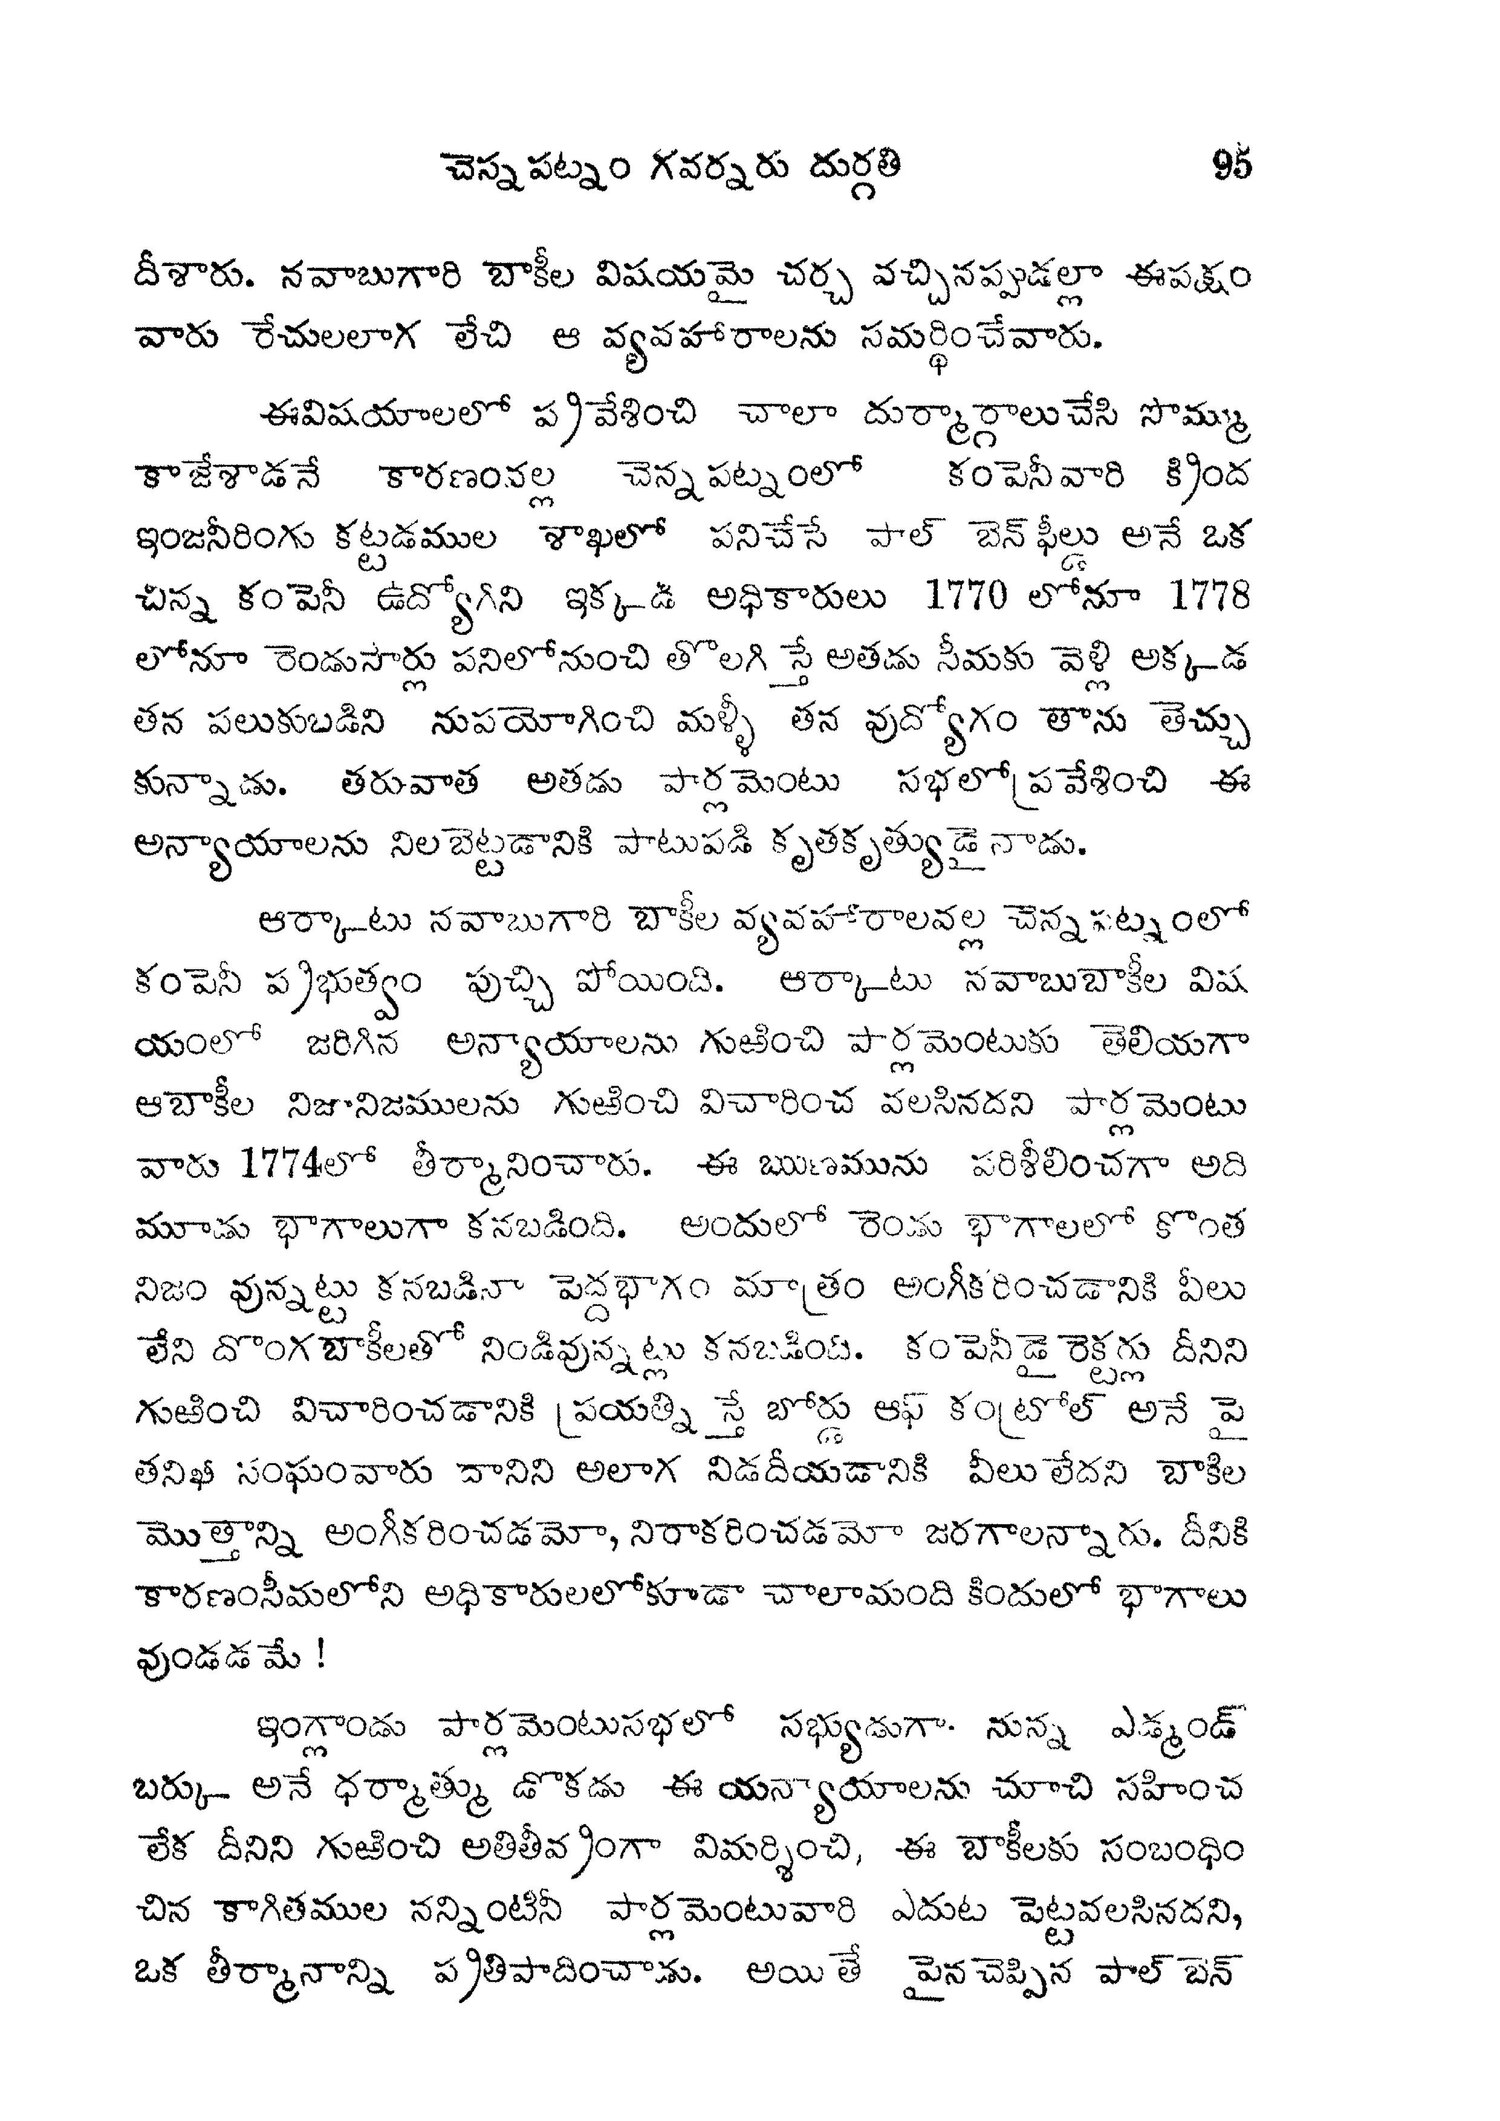దీశారు. నవాబుగారి బాకీల విషయమై చర్చ వచ్చినప్పుడల్లా ఈపక్షంవారు రేచులలాగ లేచి ఆ వ్యవహారాలను సమర్దించేవారు.

ఈవిషయంలో ప్రవేశించి చాలా దుర్మార్గాలుచేసి సొమ్ము కాజేశాడనే కారణం వల్ల చెన్నపట్నంలో కంపెనీవారి క్రింద ఇంజనీరించు కట్టడముల శాఖలో పని చేసే పాల్ బెన్ ఫీల్డ్ అనే ఒక చిన్న కంపెనీ ఉద్యోగిని ఇక్కడ అధికారులు 1770 లోనూ 1778 లోనూ రెండుసార్లు పనిలోనుంచి తొలగిస్తే అతడు సీమకు వెళ్లి అక్కడ తన పలుకుబడి నుపయోగించి మళ్ళీ తన వుద్యోగం తాను తెచ్చుకున్నాడు. తరువాత అతడు పార్లమెంటు సభలోప్రవేశించి ఈ అన్యాయాలను నిలబెట్టడానికి పాటుపడి కృతకృత్యుడైనాడు.

ఆర్కాటు నవాబుగారి బాకీలవ్యవహారంవల్ల చెన్నపట్నంలో కంపెనీ ప్రభుత్వం పుచ్చిపోయింది. ఆర్కాటు నవాబుబాకీల విషయంలో జరిగిన అన్యాయాలను గుఱించి విచారించ వలసినదని పార్లమెంటు వారు 1774 లో తీర్మానించారు. ఈ ఋణమును పరిశీలించగా అది మూడు భాగాలుగా కనబడించి. అందులో రెండు భాగాలలో కొంతనిజం వున్నట్టు కనబడినా పెద్దభాగం మాత్రం అంగీకరించడానికి వీలులేని దొంగ బాకీలతో నిండివున్నట్లు కనబడింది కంపెనీ డైరెక్టర్లు దీనిని గుఱించి విచారించడానికి ప్రయత్నిస్తే బోర్డు ఆఫ్ కంట్రోల్ అనే పై తనిఖీ సంఘంవారు దానిని అలాగ విడదీయడానికి వీలు లేదని బాకీల మొత్తాన్ని అంగీకరించడమో,నిరాకరించడమో జరగాలన్నారు. దీనికి కారణంసీమలోని అదికారులలోని అధికారులలోకూడా చాలామంది కిందులో భాగాలు వుండడమే!

ఇంగ్లాండు పార్లమెంటుసభలో సభ్యుడుగా నున్న ఎడ్మండ్ బర్కు అనే ధర్మాత్ముడొకడు ఈయన్యాయాలను చూచి సహించలేక దీనిని గుఱించి అతితీవ్రంగా విమర్శించి ఈ బాకీలను సంబంధించిన కాగితములు నన్నింటినీ పార్లమెంటువారి ఎదుట పెట్టవలసినదని, ఒక తీర్మానాన్ని ప్రతిపాదించాడు. అయితే పైనచెప్పిన పాల్ బెన్